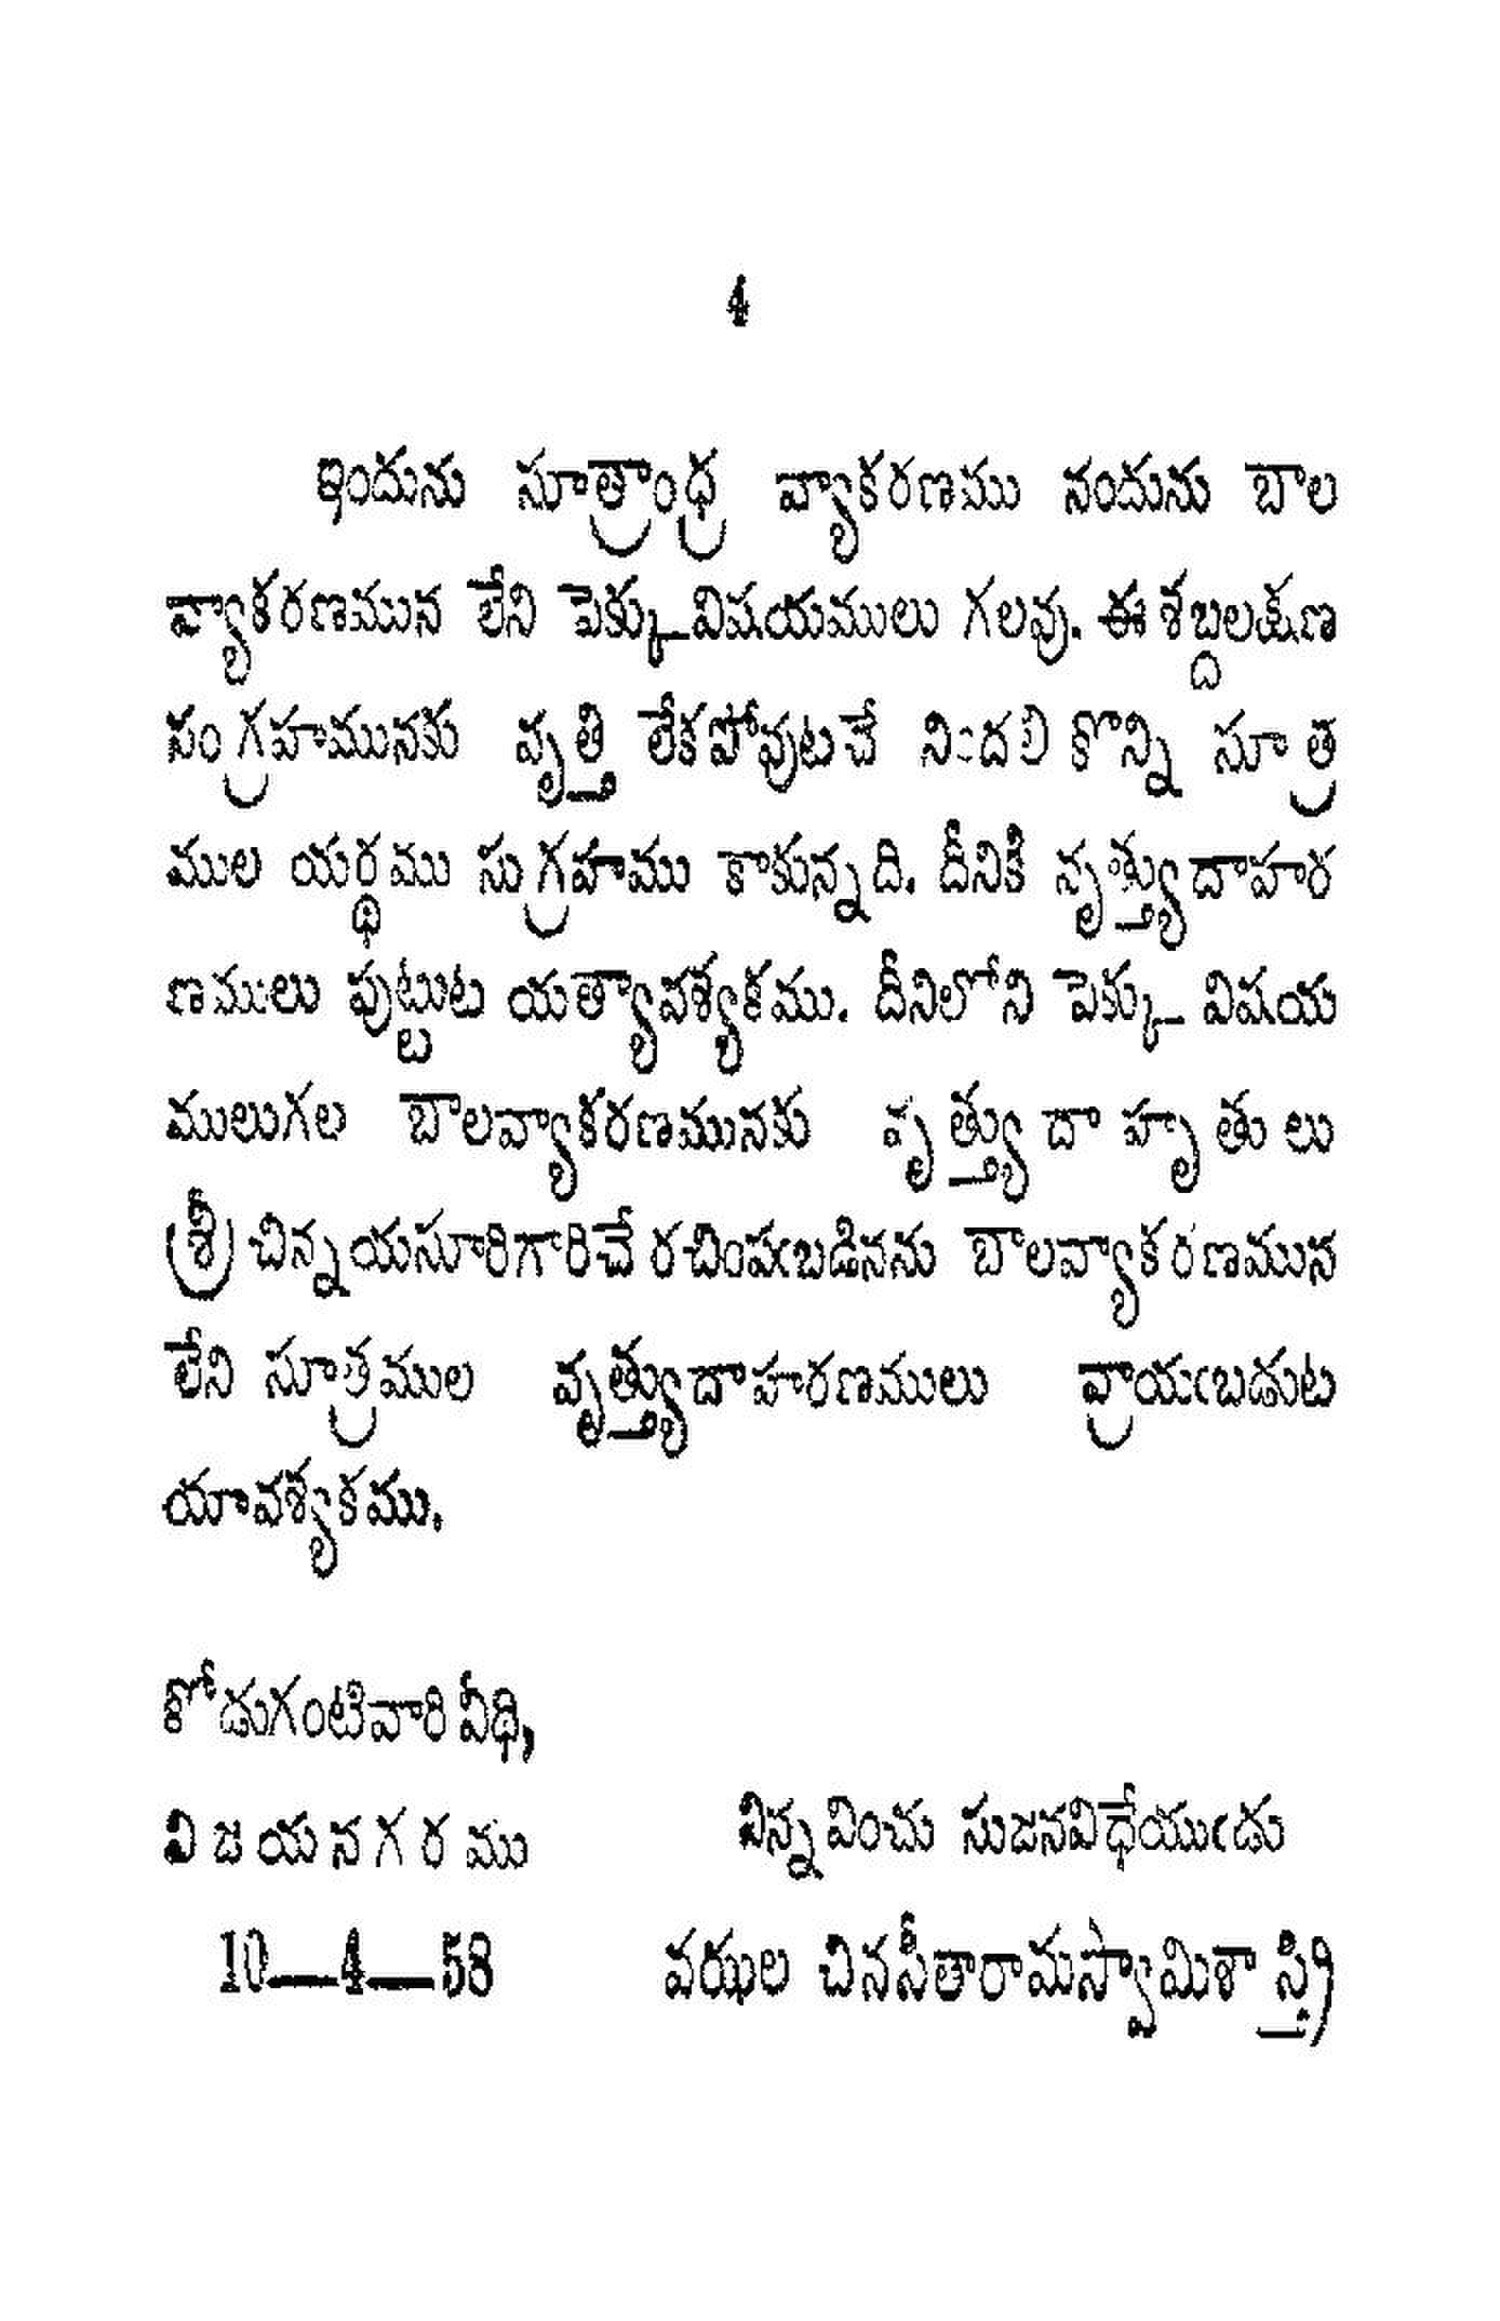ఇందును సూత్రాంధ్ర వ్యాకరణము నందును బాల వ్యాకరణమున లేని పెక్కువిషయములు గలవు. ఈ శబ్దలక్షణ సంగ్రహమునకు వృత్తి లేకపోవుటచే నిందలి కొన్ని సూత్రముల యర్ధము సుగ్రహము కాకున్నది. దీనికి వృత్త్యుదాహరణములు పుట్టుట యత్యావశ్యకము. దీనిలోని పెక్కు విషయములుగల బాలవ్యాకరణమునకు వృత్త్యుదాహృతులు శ్రీ చిన్నయసూరిగారిచే రచింపఁబడినను బాలవ్యాకరణమున లేని సూత్రముల వృత్త్యుదాహరణములు వ్రాయఁబడుట యావశ్యకము.